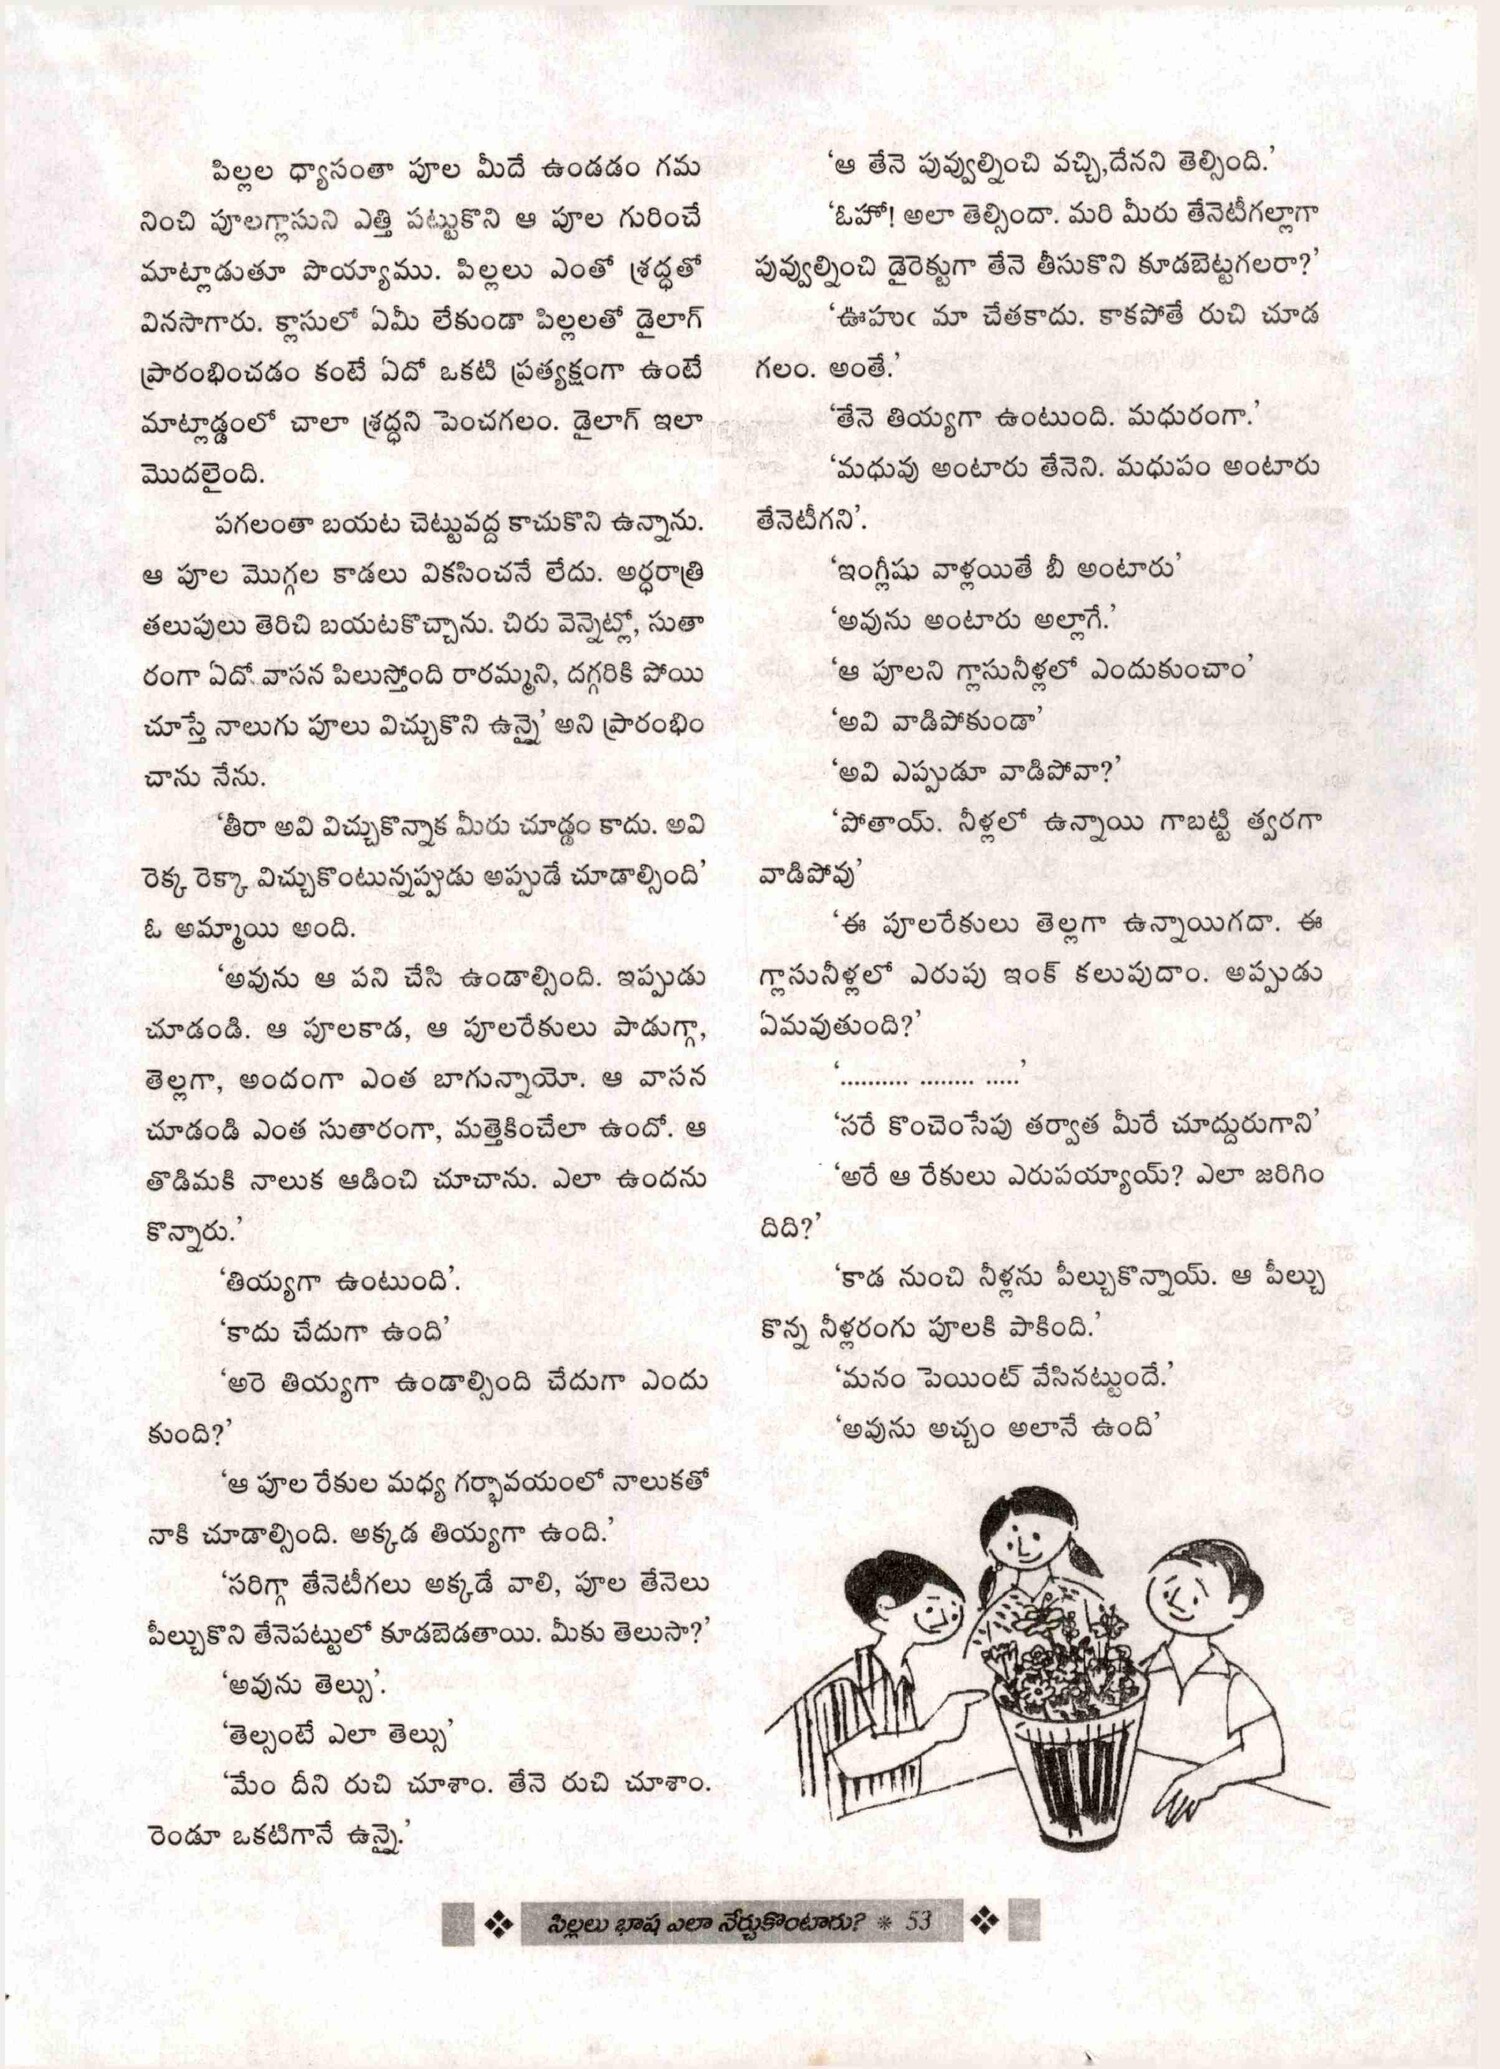పిల్లల ధ్యాసంతా పూల మీదే ఉండడం గమనించి పూలగ్లాసుని ఎత్తి పట్టుకొని ఆ పూల గురించే మాట్లాడుతూ పొయ్యాము. పిల్లలు ఎంతో శ్రద్ధతో వినసాగారు. క్లాసులో ఏమీ లేకుండా పిల్లలతో డైలాగ్ ప్రారంభించడం కంటే ఏదో ఒకటి ప్రత్యక్షంగా ఉంటే మాట్లాడ్డంలో చాలా శ్రద్దని పెంచగలం. డైలాగ్ ఇలా మొదలైంది.

పగలంతా బయట చెట్టువద్ద కాచుకొని ఉన్నాను. ఆ పూల మొగ్గల కాడలు వికసించనే లేదు. అర్ధరాత్రి తలుపులు తెరిచి బయటకొచ్చాను. చిరు వెన్నెట్లో, సుతారంగా ఏదో వాసన పిలుస్తోంది రారమ్మని, దగ్గరికి పోయి చూస్తే నాలుగు పూలు విచ్చుకొని ఉన్నై' అని ప్రారంభించాను నేను.

'తీరా అవి విచ్చుకొన్నాక మీరు చూడ్డం కాదు. అవి రెక్క రెక్కా విచ్చుకొంటున్నప్పుడు అప్పుడే చూడాల్సింది' ఓ అమ్మాయి అంది.

'అవును ఆ పని చేసి ఉండాల్సింది. ఇప్పుడు చూడండి. ఆ పూలకాడ, ఆ పూలరేకులు పాడుగ్గా, తెల్లగా, అందంగా ఎంత బాగున్నాయో. ఆ వాసన చూడండి ఎంత సుతారంగా, మత్తెకించేలా ఉందో. ఆ తొడిమకి నాలుక ఆడించి చూచాను. ఎలా ఉందను కొన్నారు.'

'తియ్యగా ఉంటుంది'.

'కాదు చేదుగా ఉంది'

'అరె తియ్యగా ఉండాల్సింది చేదుగా ఎందుకుంది?'

'ఆ పూల రేకుల మధ్య గర్భావయంలో నాలుకతో నాకి చూడాల్సింది. అక్కడ తియ్యగా ఉంది.'

'సరిగ్గా తేనెటీగలు అక్కడే వాలి, పూల తేనెలు పీల్చుకొని తేనెపట్టులో కూడబెడతాయి. మీకు తెలుసా?’

'అవును తెల్సు'.

'తెల్సంటే ఎలా తెల్సు'

'మేం దీని రుచి చూశాం. తేనె రుచి చూశాం. రెండూ ఒకటిగానే ఉన్నై.'

'ఆ తేనె పువ్వుల్నించి వచ్చి,నదేనని తెల్సింది. '

'ఓహో! అలా తెల్సిందా. మరి మీరు తేనెటీగల్లాగా పువ్వుల్నించి డైరెక్టుగా తేనె తీసుకొని కూడబెట్టగలరా?'

'ఊహుఁ మా చేతకాదు. కాకపోతే రుచి చూడ గలం. అంతే.'

'తేనె తియ్యగా ఉంటుంది. మధురంగా.'

'మధువు అంటారు తేనెని. మధుపం అంటారు తేనెటీగని'.

'ఇంగ్లీషు వాళ్లయితే బీ అంటారు'

'అవును అంటారు అల్లాగే.'

'ఆ పూలని గ్లాసునీళ్లలో ఎందుకుంచాం'

'అవి వాడిపోకుండా'

'అవి ఎప్పుడూ వాడిపోవా?'

'పోతాయ్. నీళ్లలో ఉన్నాయి గాబట్టి త్వరగా వాడిపోవు'

'ఈ పూలరేకులు తెల్లగా ఉన్నాయిగదా. ఈ గ్లాసు నీళ్లలో ఎరుపు ఇంక్ కలుపుదాం. అప్పుడు ఏమవుతుంది?'

'.................................'

'సరే కొంచెంసేపు తర్వాత మీరే చూద్దురుగాని '

'అరే ఆ రేకులు ఎరుపయ్యాయ్? ఎలా జరిగిం దిది?

'కాడ నుంచి నీళ్లను పీల్చుకొన్నాయ్. ఆ పీల్చుకొన్న నీళ్లరంగు పూలకి పాకింది.'

'మనం పెయింట్ వేసినట్టుందే.'

'అవును అచ్చం అలానే ఉంది'